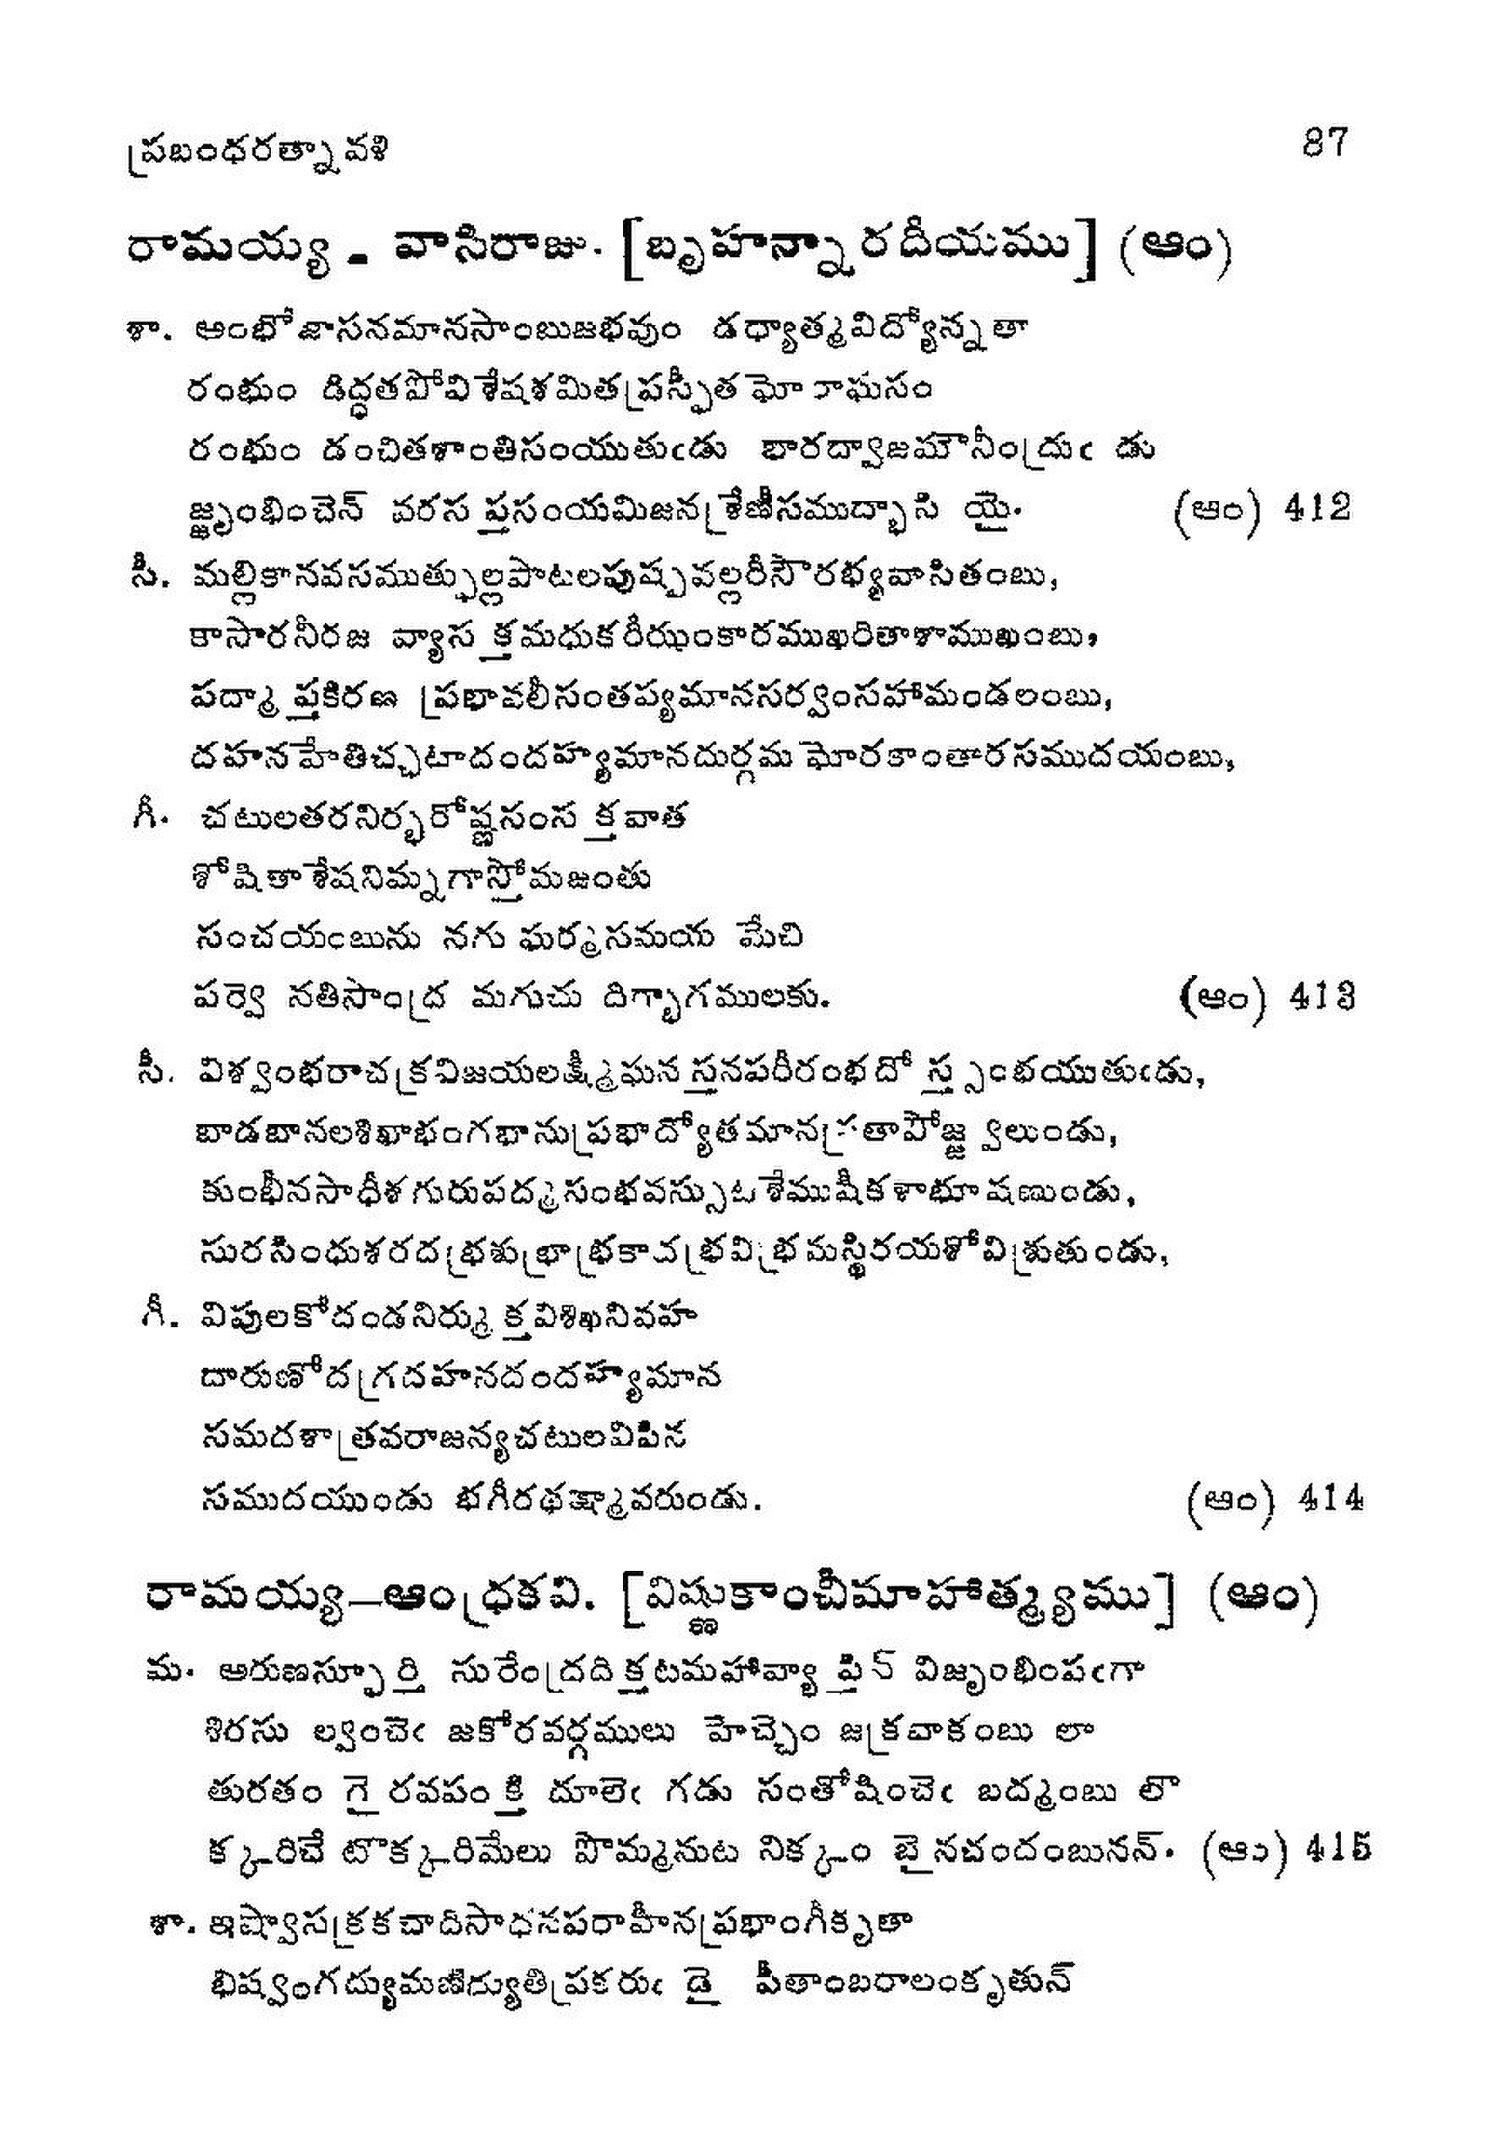రామయ్య, వాసిరాజు [బృహన్నారదీయము] (ఆం)
శా. అంభోజాసన మానసాంబుజభవుం డధ్యాత్మవిద్యోన్న తా
రంభుం డిద్ధ తపోవిశేషమిత ప్రస్ఫీత ఘోరాఘ సం
రంభుం డంచితశాంతిసంయుతుఁడు భారద్వాజ మౌనీంద్రుఁ డు
జ్జృంభించెన్ వరసప్తసంయమిజనశ్రేణీ సముద్భాసియై. (ఆం) 412

సీ. మల్లికానవసముత్ఫుల్లపాటల పుష్ప వల్లరీసౌరభ్య వాసితంబు,
కాసారనీరజ వ్యాసక్త మధుకరీ ఝంకార ముఖరితాశాముఖంబు,
పద్మాప్త కిరణప్రభావలీ సంతప్య మాన సర్వంసహామండలంబు,
దహనహేతిచ్ఛటాదందహ్యమాన దు ర్గమఘోరకాంతార సముదయంబు,
గీ. చటులతర నిర్భరోష్ణ సంసక్తవాత
శోషితాశేష నిమ్నగాస్తోమ జంతు
సంచయంబును నగు ఘర్మసమయ మేచి
వర్వె నతిసాంద్రమగుచు దిగ్భాములకు. (ఆం) 413

సీ. విశ్వంభరాచక్ర విజయలక్ష్మీఘన స్తన పరీరంభదోస్స్తంభ యుతుఁడు,
బాడబానలశిఖాభంగ భానుప్రభా ద్యోతమాన ప్రతాపోజ్జ్వలుండు,
కుండలీశాధీశ గురుపద్మసంభవ స్ఫుట శేముషీకళా భూషణుండు,
సురసింధుశరదభ్రశుభ్రాభ్రకాదభ్ర విభ్రమస్థిర యశో విశ్రుతుండు,
తే. విపుల కోదండ నిర్ముక్తవిశిఖనివహ
దారుణోదగ్ర దహన దందహ్యమాన
సమదశాత్రవ రాజన్య చటులవిపిన
సముదయుండు భగీరథక్ష్మావరుండు. (ఆం) 414

రామయ్య, ఆంధ్రకవి [విష్ణుకాంచీమాహాత్మ్యము] (ఆం)
మ. అరుణస్ఫూర్తి సురేంద్రదిక్తటమహావ్యాప్తిన్ విజృంభింపగా
శిరసు ల్వంచెఁ జకోరవర్గములు హెచ్చెం జక్రవాకంబు లా
తురతం గైరవపంక్తిఁ దూలెఁ గడు సంతోషించెఁ బద్మంబు లొ
క్కరి చే టొక్కరి మేలు పొమ్మనుట నిక్కంబైన చందంబునన్. (ఆం) 415

శా. ఇష్వాసక్రకచాదిసాధనపరాహీనప్రభాంగీకృతా
భిష్వంగద్యుమణిద్యుతిప్రకరుఁడై పీతాంబరాలంకృతున్